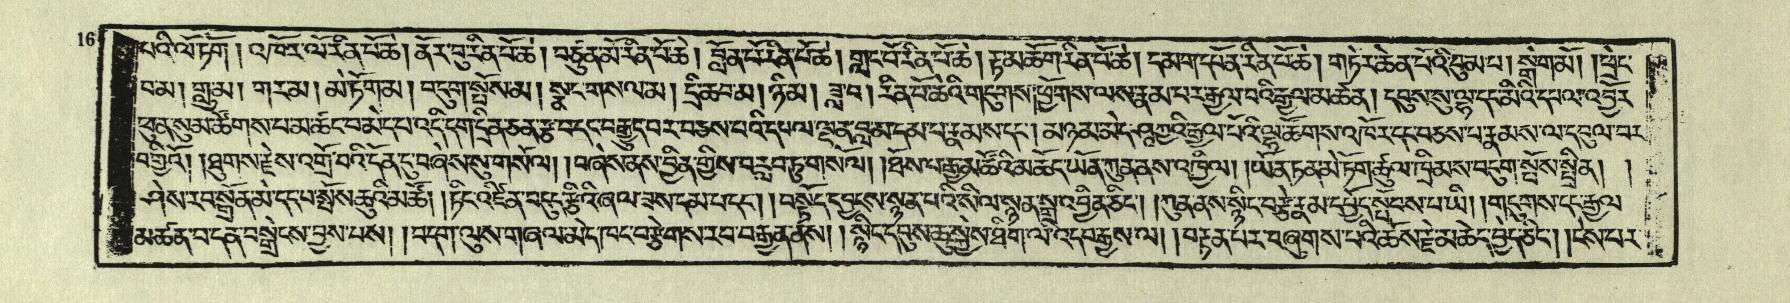པའི་ལོ་ཏོག། འཁོར་ལོ་རིན་པོ་ཆེ། ནོར་བུ་རིན་པོ་ཆེ། བཙུན་མོ་རིན་པོ་ཆེ། བློན་པོ་རིན་པོ་ཆེ། གླང་པོ་རིན་པོ་ཆེ། རྟ་མཆོག་རིན་པོ་ཆེ། དམག་དཔོན་རིན་པོ་ཆེ། གཏེར་ཆེན་པོའི་བུམ་པ། སྒེག་མོ། །ཕྲེང་
བ་མ། གླུ་མ། གར་མ། མེ་ཏོག་མ། བདུག་སྤོས་མ། སྣང་གསལ་མ། དྲི་ཆབ་མ། ཉི་མ། ཟླ་བ། རིན་པོ་ཆེའི་གདུགས། ཕྱོགས་ལས་རྣམ་པར་རྒྱལ་བའི་རྒྱལ་མཚན། དབུས་སུ་ལྷ་དང་མིའི་དཔལ་འབྱོར་
ཕུན་སུམ་ཚོགས་པ་མ་ཚང་བ་མེད་པ་འདི་དག་དྲིན་ཅན་རྩ་བ་དང་བརྒྱུད་བར་བཅས་པའི་དཔལ་ལྡན་བླ་མ་དམ་པ་རྣམས་དང་། མཉམ་མེད་ཤཱཀྱའི་རྒྱལ་པོའི་ལྷ་ཚོགས་འཁོར་དང་བཅས་པ་རྣམས་ལ་དབུལ་བར་
བགྱིའོ། །ཐུགས་རྗེས་འགྲོ་བའི་དོན་དུ་བཞེས་སུ་གསོལ། །བཞེས་ནས་བྱིན་གྱིས་བརླབ་ཏུ་གསོལ། །ཐོས་པ་རྒྱ་མཚོའི་མཆོད་ཡོན་ཀུན་ནས་འཁྱིལ། །ཡོན་ཏན་མེ་ཏོག་ཚུལ་ཁྲིམས་བདུག་སྤོས་སྤྲིན། །
ཤེས་རབ་སྒྲོན་མེ་དད་པ་སྤོས་ཆུའི་མཚོ། །ཏིང་འཛིན་བདུད་རྩིའི་ཞལ་ཟས་དམ་པ་དང་། །བསྟོད་དབྱངས་སྙན་པའི་སིལ་སྙན་སྒྲ་འབྱིན་ཅིང་། །ཀུན་ནས་སྙིང་བརྩེ་རྣམ་དཔྱོད་སྤོབས་པ་ཡི། །གདུགས་དང་རྒྱལ་
མཚན་བ་དན་བསྒྲེངས་བྱས་པས། །བདག་ལུས་གཞལ་མེད་ཁང་བརྩེགས་རབ་བརྒྱན་ནས། །སྙིང་དབུས་ཆུ་སྐྱེས་ཐིག་ལི་འདབ་རྒྱས་ལ། །བརྟན་པར་བཞུགས་པའི་ཆོས་རྗེ་མཆེད་བྱེད་ཅིང་། །ངེས་པར་